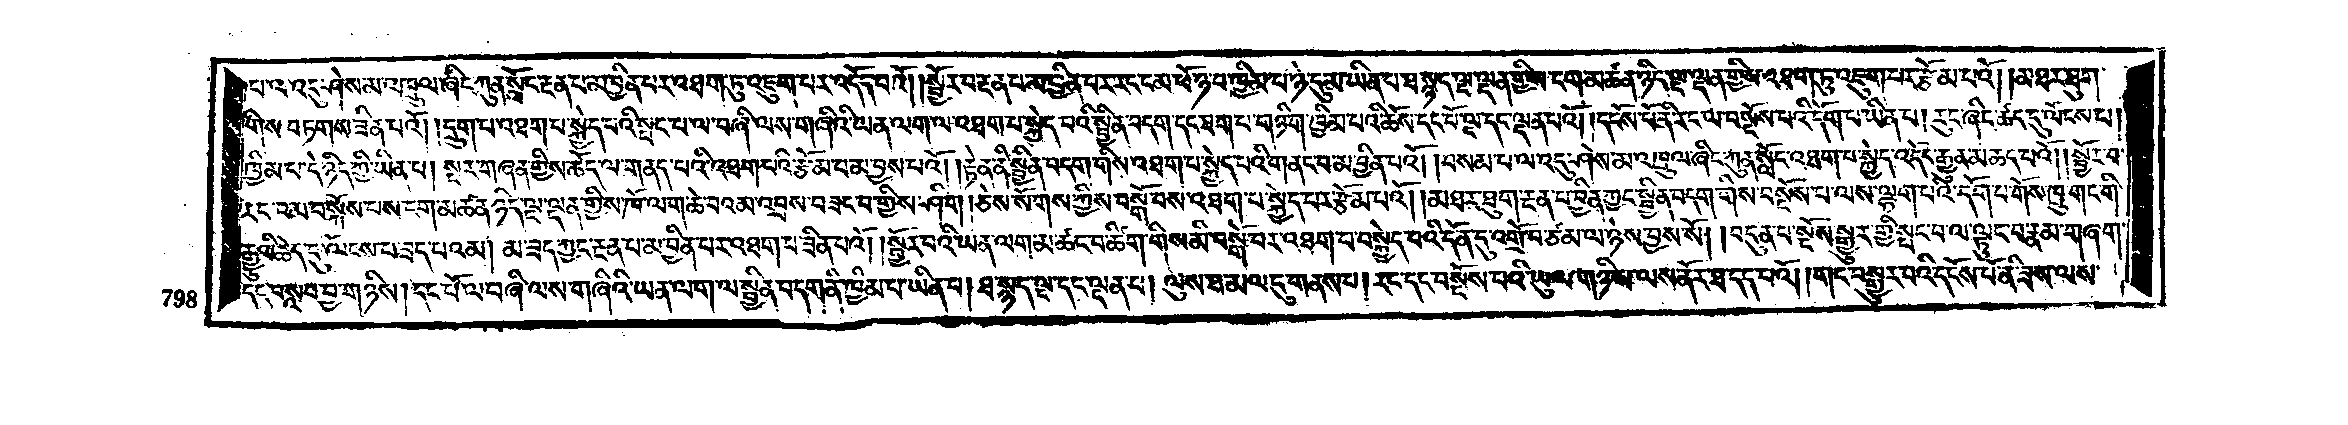པ་ལ་འདུ་ཤེས་མ་འཁྲུལ་ཞིང་ཀུན་སློང་རྔན་པ་མ་བྱིན་པར་འཐག་ཏུ་འཇུག་པར་འདོད་པའོ། །སྦྱོར་བ་རྔན་པ་མ་བྱིན་པར་རང་ངམ་ཕོ་ཉ་བ་ཁྱིམ་པ་ཉེ་དུ་མ་ཡིན་པ་ཐ་སྙད་ལྔ་ལྡན་གྱིས་ངག་མཚན་ཉིད་ལྔ་ལྡན་གྱིས་འཐག་ཏུ་འཇུག་པར་རྩོམ་པའོ། །མཐར་ཐུག་
གིས་བཏགས་ཟིན་པའོ། །དྲུག་པ་འཐག་པ་སྐྱེད་པའི་སྤང་པ་ལ་བཞི་ལས་གཞིའི་ཡན་ལག་ལ་འཐག་པ་སྐྱེད་པའི་སྦྱིན་བདག་དང་ཐག་པ་གཉི་ག་ཁྱིམ་པའི་ཆོས་དང་པོ་ལྔ་དང་ལྡན་པའོ། །དངོས་པོ་ནི་རང་ལ་བསྔོས་པའི་དོག་པ་ཡིན་པ། རུང་ཞིང་ཚད་དུ་ལོངས་པ།
ཁྱིམ་པ་དེ་ཉིད་ཀྱི་ཡིན་པ། སྔར་གཞན་གྱིས་ཆོད་ལ་གནད་པའི་འཐག་པའི་རྩོམ་པ་མ་བྱས་པའོ། །རྟེན་ནི་སྦྱིན་བདག་གིས་འཐག་པ་སྐྱེད་པའི་གནང་བ་མ་བྱིན་པའོ། །བསམ་པ་ལ་འདུ་ཤེས་མ་འཁྲུལ་ཞིང་ཀུན་སློང་འཐག་པ་སྐྱེད་འདོད་རྒྱུན་མ་ཆད་པའོ། །སྦྱོར་བ་
རང་འམ་བསྐོས་པས་ངག་མཚན་ཉིད་ལྔ་ལྡན་གྱིས་ཁོ་ལག་ཆེ་བའམ་འབྲས་བཟང་བ་གྱིས་ཤིག །ཅེས་སོགས་ཀྱིས་བསྒོ་བས་འཐག་པ་སྐྱེད་པར་རྩོམ་པའོ། །མཐར་ཐུག་རྔན་པ་བྱིན་ཀྱང་སྦྱིན་བདག་གིས་བསྔོས་པ་ལས་ལྷག་པའི་དོག་པ་གོས་ཁྲུ་གང་གི་
རྒྱུའི་ཆེད་དུ་ལོངས་པ་ཟད་པའམ། མ་ཟད་ཀྱང་རྔན་པ་མ་བྱིན་པར་འཐག་པ་ཟིན་པའོ། །སྦྱོར་བའི་ཡན་ལག་མ་ཚང་བ་ཚིག་གིས་མི་བསྒོ་བར་འཐག་པ་བསྐྱེད་པའི་དོན་དུ་འགྲོ་བ་ཙམ་ལ་ཉེས་བྱས་སོ། །བདུན་པ་སྔོས་སྒྱུར་གྱི་སྤང་པ་ལ་ལྟུང་བ་རྣམ་གཞག་
དང་བསླབ་བྱ་གཉིས། དང་པོ་ལ་བཞི་ལས་གཞིའི་ཡན་ལག་ལ་སྦྱིན་བདག་ནི་ཁྱིམ་པ་ཡིན་པ། ཐ་སྙད་ལྔ་དང་ལྡན་པ། ལུས་ཐ་མལ་དུ་གནས་པ། རང་དང་བསྔོས་པའི་ཡུལ་གཉིས་ལས་ནོར་ཐ་དད་པའོ། །གང་བསྒྱུར་བའི་དངོས་པོ་ནི་ཟས་ལས་